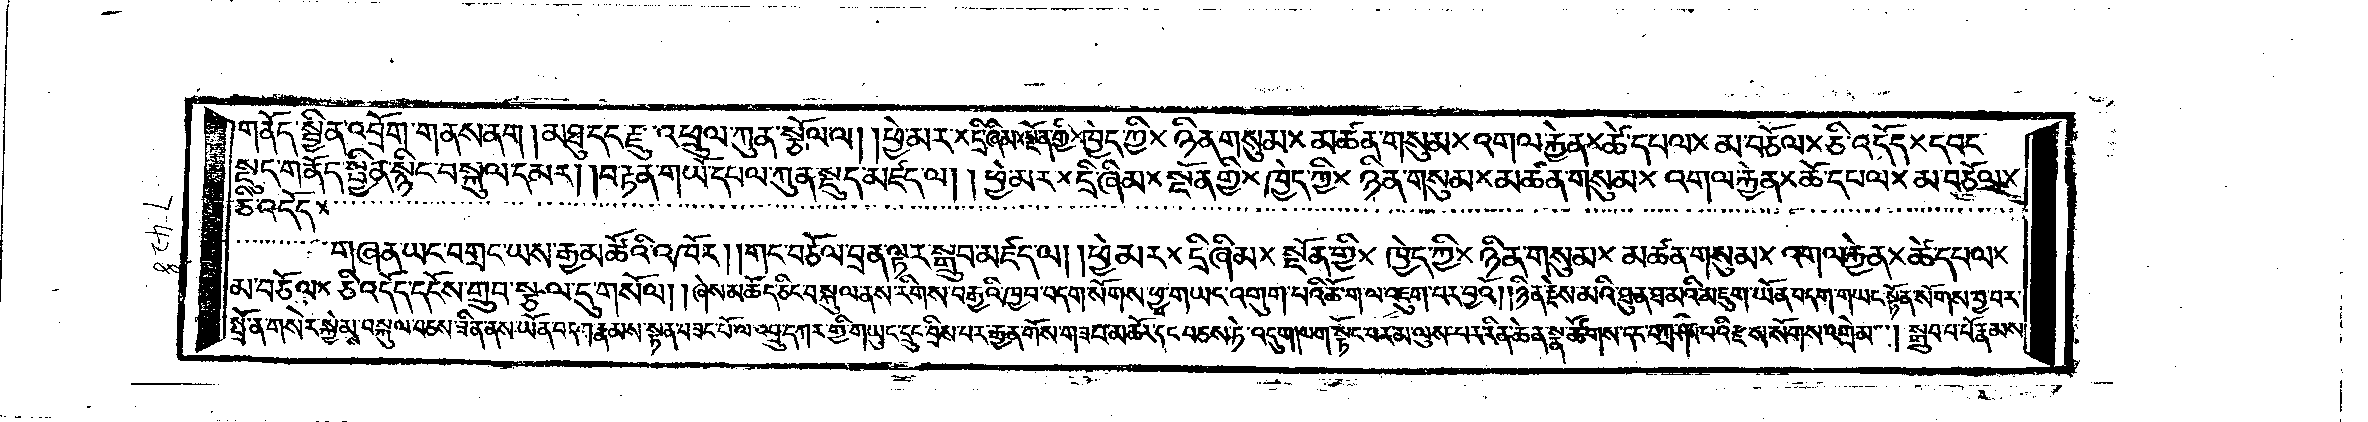གནོད་སྦྱིན་འབྲོག་གནས་ནག །མཐུ་དང་རྫུ་འཕྲུལ་ཀུན་སྩོལ་ལ། །ཕྱེ་མར་྾་དྲི་ཞིམ་྾་སྔོན་གྱི་྾་ཁྱེད་ཀྱི་྾་ཉིན་གསུམ་྾་མཚན་གསུམ་྾་འགལ་རྐྱེན་྾་ཚེ་དཔལ་྾་མ་བཅོལ་྾་ཅི་འདོད་྾་དབང་
སྡུད་གནོད་སྦྱིན་སྙིང་བསྐུལ་དམར། །བརྟན་གཡོ་དཔལ་ཀུན་སྡུད་མཛད་ལ། །ཕྱེ་མར་྾་དྲི་ཞིམ་྾་སྔོན་གྱི་྾་ཁྱེད་ཀྱི་྾་ཉིན་གསུམ་྾་མཚན་གསུམ་྾་འགལ་རྐྱེན་྾་ཚེ་དཔལ་྾་མ་བཅོལ་྾་
ཅི་འདོད་྾་
གཞན་ཡང་བགྲང་ཡས་རྒྱ་མཚོའི་འཁོར། །གང་བཅོལ་བྲན་ལྟར་སྒྲུབ་མཛད་ལ། །ཕྱེ་མར་྾་དྲི་ཞིམ་྾་སྔོན་གྱི་྾་ཁྱེད་ཀྱི་྾་ཉིན་གསུམ་྾་མཚན་གསུམ་྾་འགལ་རྐྱེན་྾་ཚེ་དཔལ་྾་
མ་བཅོལ་྾་ཅི་འདོད་དངོས་གྲུབ་སྩལ་དུ་གསོལ། །ཞེས་མཆོད་ཅིང་བསྐུལ་ནས་རིགས་བརྒྱའི་ཁྱབ་བདག་སོགས་ཕྱྭ་གཡང་འགུག་པའི་ཆོ་ག་ལ་འཇུག་པར་བྱའོ། །ཉིན་རྗེས་མའི་ཐུན་ཐ་མའི་མཇུག་ཡོན་བདག་གཡང་སྟོན་སོགས་བྱ་བར་
སྤྲོ་ན་གསེར་སྐྱེམས་བསྐུལ་བཅས་ཟིན་ནས་ཡོན་བདག་རྣམས་སྟན་བཟང་པོ་ལ་འབྲུ་དཀར་གྱི་གཡུང་དྲུང་བྲིས་པར་རྒྱན་གོས་གཟབ་མཆོར་དང་བཅས་ཏེ་འདུག །ལག་སྟོང་བར་མ་ལུས་པར་རིན་ཆེན་སྣ་ཚོགས་དང་བཀྲ་ཤིས་པའི་རྫས་སོགས་འགྲེམ། སྒྲུབ་པ་པོ་རྣམས་